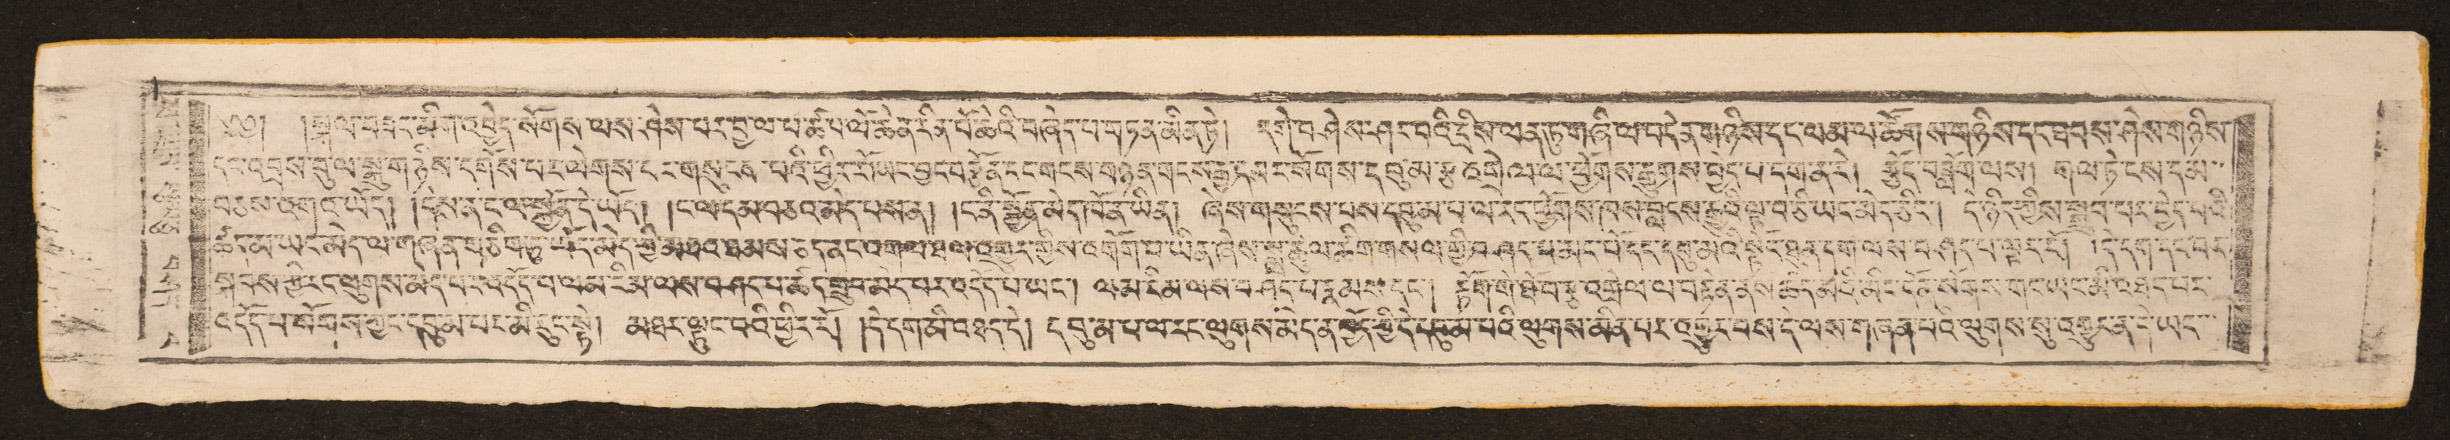༄༅། །སྐལ་བཟང་མིག་འབྱེད་སོགས་ལས་ཤེས་པར་བྱ་ལ་བ་ཚེ་?་བ་ལོ་ཆེན་རིན་པོ་ཆེའི་བཞེད་པ་གཏན་མིན་ཏེ། དགེ་བཤེས་ཤར་བའི་དྲིས་ལན་ཏུ་གཞི་ལ་བདེན་གཉིས་དང་ལམ་ལ་ཚོགས་གཉིས་དང་ཐབས་ཤེས་གཉིས་
དང་འབྲས་བུ་ལ་སྐུ་གཉིས་དགོས་པར་ལེགས་པར་གསུངས་པའི་ཕྱིར་རོ། ཡང་བྱང་བརྩོན་དང་གངས་གཉན་གངས་རྒྱ་དམར་སོགས་དབུ་མ་རྩ་འགྲེལ་ལ་ཕྱེགས་རྒྱུགས་བྱེད་པ་དག་ན་རེ། །རྩོད་བཟློག་ལས། གལ་ཏེ་ངས་དམ་
བཅས་འགའ་ཡོད། །ངེས་ན་ང་ལ་སྐྱོན་དེ་ཡོད། །ང་ལ་དམ་བཅའ་མེད་པས་ན། །ང་ནི་སྐྱོན་མེད་ཁོ་ན་ཡིན། ཞེས་གསུངས་པས་དབུ་མ་པ་ལ་རང་ཕྱོགས་ཁས་བླངས་རྒྱུའི་ལྟ་བ་ཅི་ཡང་མེད་ཅིང་། དེ་ཉིད་ཀྱིས་སྒྲུབ་པར་བྱེད་པའི་
ཚད་མ་ཡང་མེད་ལ་གཞན་གཅིག་ཏུ་ཡོད་མེད་ཀྱི་མཐའ་ཐམས་ཅད་ནང་འགལ་ཐལ་འགྱུར་གྱིས་འགོག་པ་ཡིན་ཞེས་སྨྲ་ཚུལ་ཚིག་གསལ་གྱི་བཤད་པ་མང་པོ་དང་དབུ་མའི་སྟོང་ཐུན་དག་ལས་བཤད་པ་ལྟར་རོ། །དེ་དག་དང་བར་
སྐབས་ཀྱི་རང་ལུགས་མེད་པར་འདོད་པ་ལམ་རིམ་ལས་བཤད་པ་ཚད་གྲུབ་མེད་པར་འདོད་པ་ཡང་། ལམ་རིམ་ལས་བཤད་པ་རྣམས་དང་། རྟོག་གེ་ཐོ་བ་རྩ་འགྲེལ་ལ་བརྟེན་ནས་ཚད་མའི་མིང་དོན་སོགས་གང་ཡང་མི་འཐད་པར་
འདོད་པ་སོགས་ཀྱང་དབུ་མ་བར་མི་རུང་སྟེ། མཐར་ལྟུང་བའི་ཕྱིར་རོ། །དེ་དག་མི་འཐད་དེ། དབུ་མ་པ་ལ་རང་ལུགས་མེད་ན་ཁྱོད་ཀྱི་དེ་དབུ་མ་པའི་ལུགས་མིན་པར་འགྱུར་བས་དེ་ལས་གཞན་པའི་ལུགས་སུ་འགྱུར་ན་དེ་ཡང་